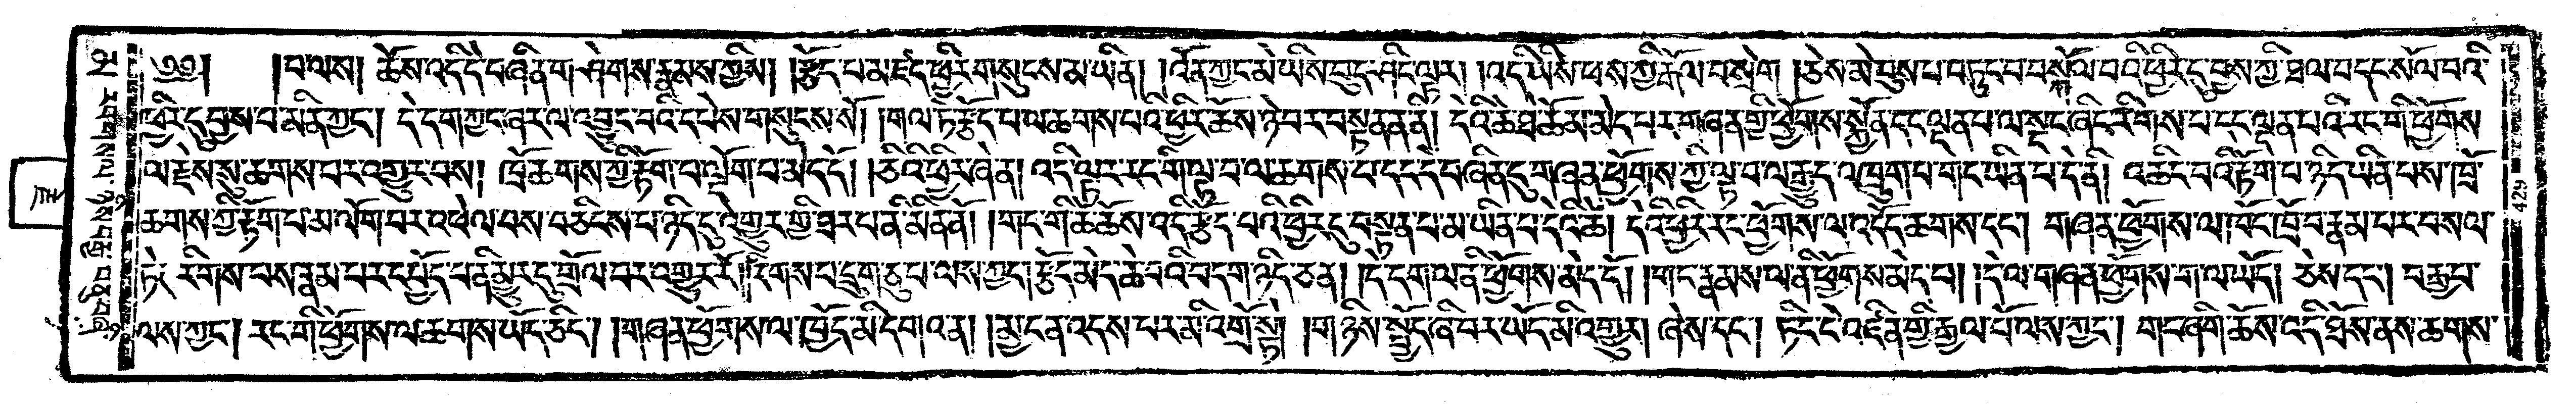༄༅། །བ་ལས། ཆོས་འདི་དེ་བཞིན་གཤེགས་རྣམས་ཀྱིས། །རྩོད་པ་མཛད་ཕྱིར་གསུངས་མ་ཡིན། །འོན་ཀྱང་མེ་ཡིས་བུད་ཤིང་ལྟར། །འདི་ཡིས་ཕས་ཀྱི་རྒོལ་བ་སྲེག །ཅེས་མེ་བུས་པ་བཏུང་བ་བསྐོལ་བའི་ཕྱིར་དུ་བྱས་ཀྱི་ཐལ་བ་དང་སོལ་བའི་
ཕྱིར་དུ་བྱས་པ་མིན་ཀྱང་། དེ་དག་ཀྱང་ཞར་ལ་འབྱུང་བའི་དཔེས་གསུངས་སོ། །གལ་ཏེ་རྩོད་པ་ལ་ཆགས་པའི་ཕྱིར་ཆོས་ཉེ་བར་བསྟན་ན་ནི། དེའི་ཚེ་ཐེ་ཚོམ་མེད་པར་གཞན་གྱི་ཕྱོགས་སྐྱོན་དང་ལྡན་པ་ལ་སྡང་ཞིང་རིགས་པ་དང་ལྡན་པའི་རང་གི་ཕྱོགས་
ལ་རྗེས་སུ་ཆགས་པར་འགྱུར་བས། ཁྲོ་ཆགས་ཀྱི་རྟོག་པ་ལྡོག་པ་མེད་དོ། །ཅིའི་ཕྱིར་ཞེ་ན། འདི་ལྟར་རང་གི་ལྟ་བ་ལ་ཆགས་པ་དང་དེ་བཞིན་དུ་གཞན་ཕྱོགས་ཀྱི་ལྟ་བ་ལ་རྒྱུད་འཁྲུག་པ་གང་ཡིན་པ་དེ་ནི། འཆིང་བའི་རྟོག་པ་ཉིད་ཡིན་པས་ཁྲོ་
ཆགས་ཀྱི་རྟོག་པ་མ་ལོག་པར་འཕེལ་བས་བཅིངས་པ་ཉིད་དུ་འགྱུར་གྱི་ཐར་པ་ནི་མིན་ནོ། །གང་གི་ཚེ་ཆོས་འདི་རྩོད་པའི་ཕྱིར་དུ་བསྟན་པ་མ་ཡིན་པ་དེའི་ཚེ། དེའི་ཕྱིར་རང་ཕྱོགས་ལ་འདོད་ཆགས་དང་། གཞན་ཕྱོགས་ལ་ཁོང་ཁྲོ་བ་རྣམ་པར་བསལ་
ཏེ༑ རིགས་པས་རྣམ་པར་དཔྱོད་པ་ནི་མྱུར་དུ་གྲོལ་བར་འགྱུར་རོ། །རིགས་པ་དྲུག་ཅུ་པ་ལས་ཀྱང་། རྩོད་མེད་ཆེ་བའི་བདག་ཉིད་ཅན། །དེ་དག་ལ་ནི་ཕྱོགས་མེད་དོ། །གང་རྣམས་ལ་ནི་ཕྱོགས་མེད་པ། །དེ་ལ་གཞན་ཕྱོགས་ག་ལ་ཡོད། ཅེས་དང་། བརྒྱ་པ་
ལས་ཀྱང་། རང་གི་ཕྱོགས་ལ་ཆགས་ཡོད་ཅིང་། །གཞན་ཕྱོགས་ལ་ཁྱོད་མི་དགའ་ན། །མྱ་ངན་འདས་པར་མི་འགྲོ་སྟེ། །གཉིས་སྤྱོད་ཞི་བར་ཡོད་མི་འགྱུར། ཞེས་དང་། ཏིང་ངེ་འཛིན་གྱི་རྒྱལ་པོ་ལས་ཀྱང་། གང་ཞིག་ཆོས་འདི་ཐོས་ནས་ཆགས་